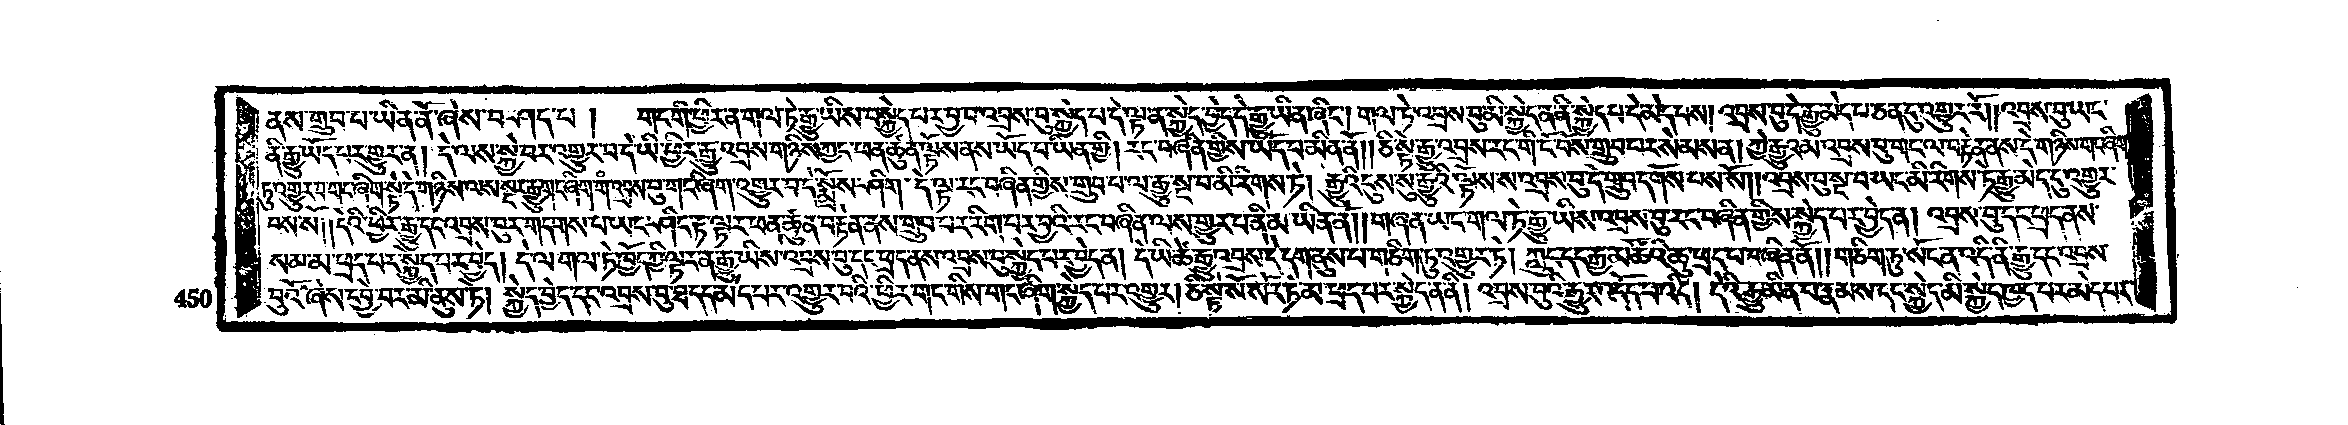ནས་གྲུབ་པ་ཡིན་ནོ་ཞེས་བཤད་པ། གང་གི་ཕྱིར་ན་གལ་ཏེ་རྒྱུ་ཡིས་བསྐྱེད་པར་བྱ་བ་འབྲས་བུ་སྐྱེད་པ་དེ་ལྟ་ན་སྐྱེད་བྱེད་དེ་རྒྱུ་ཡིན་ཞིང་། གལ་ཏེ་འབྲས་བུ་མི་སྐྱེད་ན་ནི་སྐྱེད་པ་དེ་མེད་པས། འབྲས་བུ་དེ་རྒྱུ་མེད་པ་ཅན་དུ་འགྱུར་རོ། །འབྲས་བུ་ཡང་
ནི་རྒྱུ་ཡོད་པར་གྱུར་ན། དེ་ལས་སྐྱེ་བར་འགྱུར་བ་དེ་ཡི་ཕྱིར་རྒྱུ་འབྲས་གཉིས་ཀྱང་ཕན་ཚུན་ལྟོས་ནས་ཡོད་པ་ཡིན་གྱི། རང་བཞིན་གྱིས་ཡོད་པ་མིན་ནོ། །ཅི་སྟེ་རྒྱུ་འབྲས་རང་གི་ངོ་བོས་གྲུབ་པར་སེམས་ན། ཀྱེ་རྒྱུའམ་འབྲས་བུ་གང་ལ་བརྟེན་ནས་དེ་གཉིས་གང་ཞིག་
ཏུ་འགྱུར་བ་གང་ཞིག་སྟེ་དེ་གཉིས་ལས་སྔར་རྒྱུ་གང་ཞིག་གམ་འབྲས་བུ་གང་ཞིག་འགྱུར་བ་དེ་སྨྲོས་ཤིག་དེ་ལྟ་རང་བཞིན་གྱིས་གྲུབ་པ་ལ་རྒྱུ་སྔ་བ་མི་རིགས་ཏེ། རྒྱུའི་དུས་སུ་རྒྱུའི་ལྟོས་ས་འབྲས་བུ་དེ་གྲུབ་དགོས་པས་སོ། །འབྲས་བུ་སྔ་བ་ཡང་མི་རིགས་ཏེ་རྒྱུ་མེད་དུ་འགྱུར་
བས་སོ། །དེའི་ཕྱིར་རྒྱུ་དང་འབྲས་བུར་གདགས་པ་ཡང་ཤིང་རྟ་ལྟར་ཕན་ཚུན་བརྟེན་ནས་གྲུབ་པར་རིག་པར་བྱའི་རང་བཞིན་ལས་གྱུར་པ་ནི་མ་ཡིན་ནོ། །གཞན་ཡང་གལ་ཏེ་རྒྱུ་ཡིས་འབྲས་བུ་རང་བཞིན་གྱིས་སྐྱེད་པར་བྱེད་ན། འབྲས་བུ་དང་ཕྲད་ནས་
སམ་མ་ཕྲད་པར་སྐྱེད་པར་བྱེད། དེ་ལ་གལ་ཏེ་ཁྱོད་ཀྱི་ལྟར་ན་རྒྱུ་ཡིས་འབྲས་བུ་དང་ཕྲད་ནས་འབྲས་བུ་སྐྱེད་པར་བྱེད་ན། དེ་ཡི་ཚེ་རྒྱུ་འབྲས་དེ་དག་ནུས་པ་གཅིག་ཏུ་འགྱུར་ཏེ། ཀླུང་དང་རྒྱ་མཚོའི་ཆུ་ཕྲད་པ་བཞིན་ནོ། །གཅིག་ཏུ་སོང་ན་འདི་ནི་རྒྱུ་དང་འབྲས་
བུའོ་ཞེས་དབྱེ་བར་མི་ནུས་ཏེ། སྐྱེད་བྱེད་དང་འབྲས་བུ་ཐ་དད་མེད་པར་འགྱུར་བའི་ཕྱིར་གང་གིས་གང་ཞིག་སྐྱེད་པར་གྱུར། ཅི་སྟེ་སོ་སོར་ཏེ་མ་ཕྲད་པར་སྐྱེད་ན་ནི། འབྲས་བུའི་རྒྱུར་འདོད་པ་འདི། དེའི་རྒྱུ་མིན་པ་རྣམས་དང་སྐྱེད་མི་སྐྱེད་ཁྱད་པར་མེད་པར་